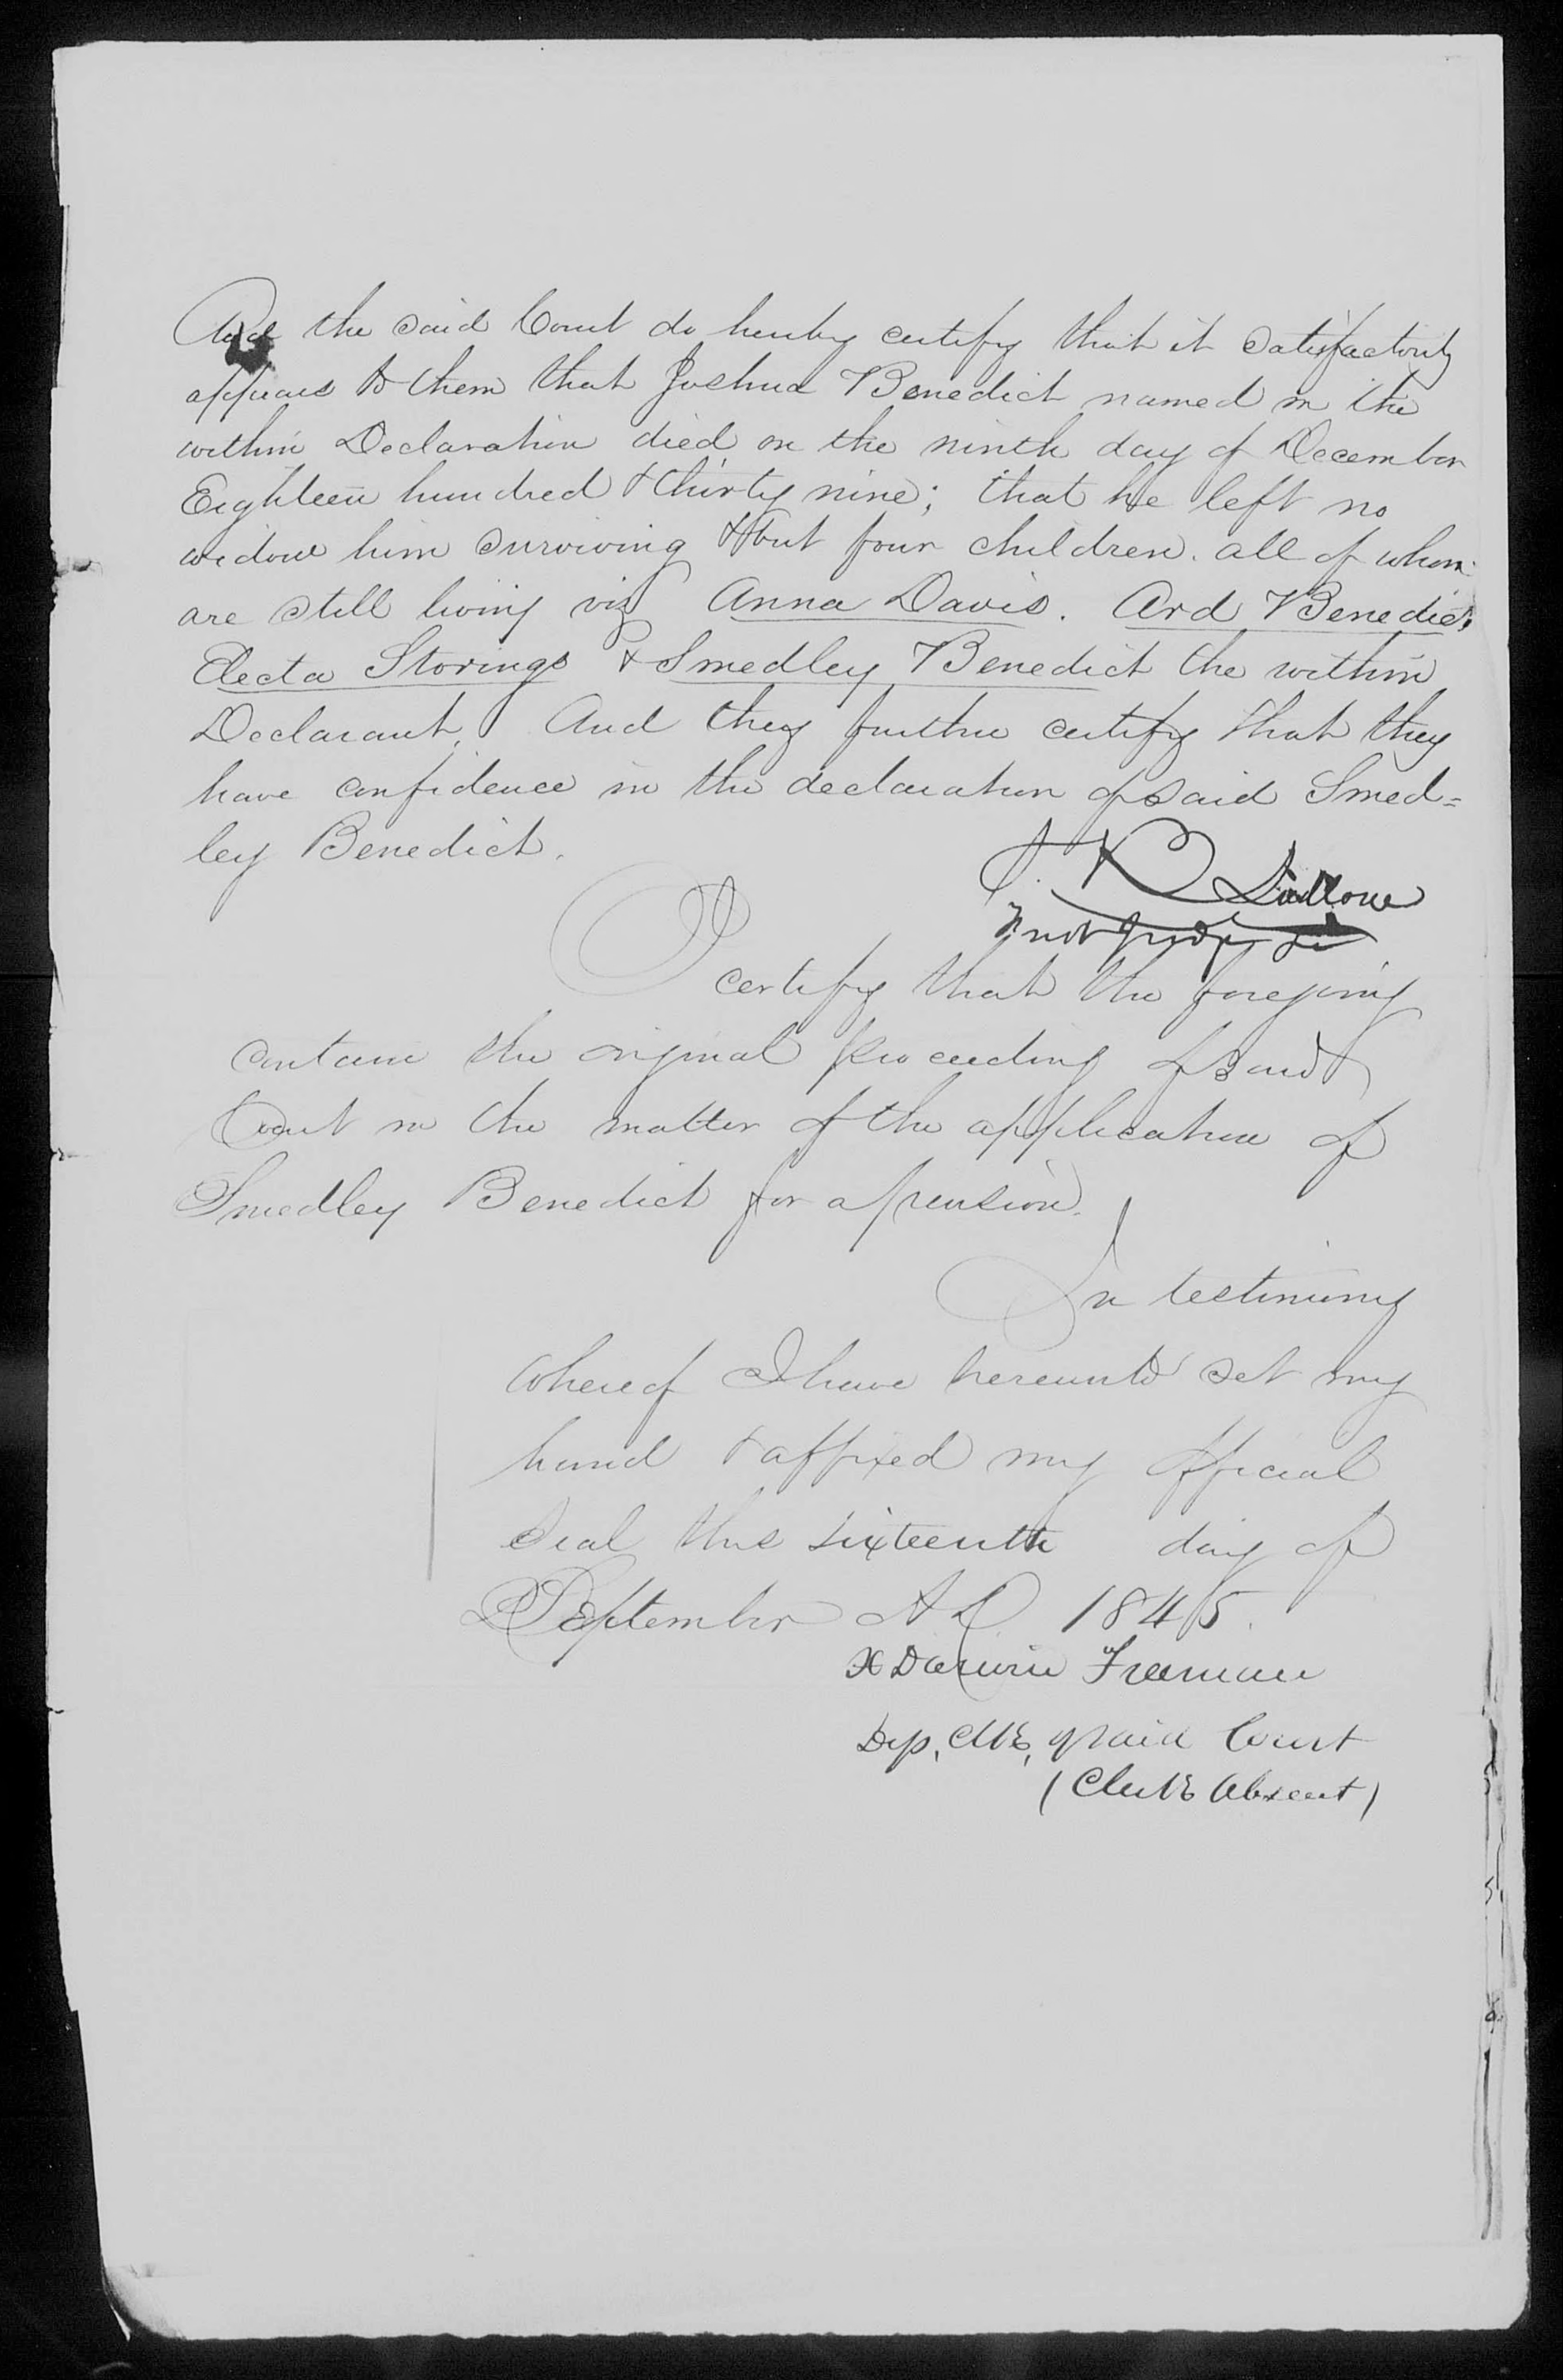And the said Court do hereby certify that it satisfactorily appears to them that Joshua Benedict named in the within Declaration died on the ninth day of December Eighteen hundred & thirty nine;  that he left no widow him surviving & but four children, all of whom are still living viz Anna Davis, Ard Benedict, Electa Stovings & Smedley Benedict the within Declarant. And they further certify that they have confidence in this declaration of said Smedley Benedict.

S. B Ludlow
First Judge [illegible]

I certify that the foregoing contains the original proceeding of said Court in the matter of the application of Smedley Benedict for a pension.
In testimony whereof I have hereunto set my hand & affixed my official Seal this sixteenth day of September A.D. 1845.

H Darwin Freeman

Dep. Clk. of said Court
(Clerk Absent)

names: Anna Davis, Joshua Benedict, S B Ludlow, Smedley Benedict, Smedley Benedict, A Darwin Freeman, Ard Benedict, Smedley Benedict, Electa Stoving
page: 6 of 106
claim: survivor's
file: S 23,116., Joshua Benedict, Conn.